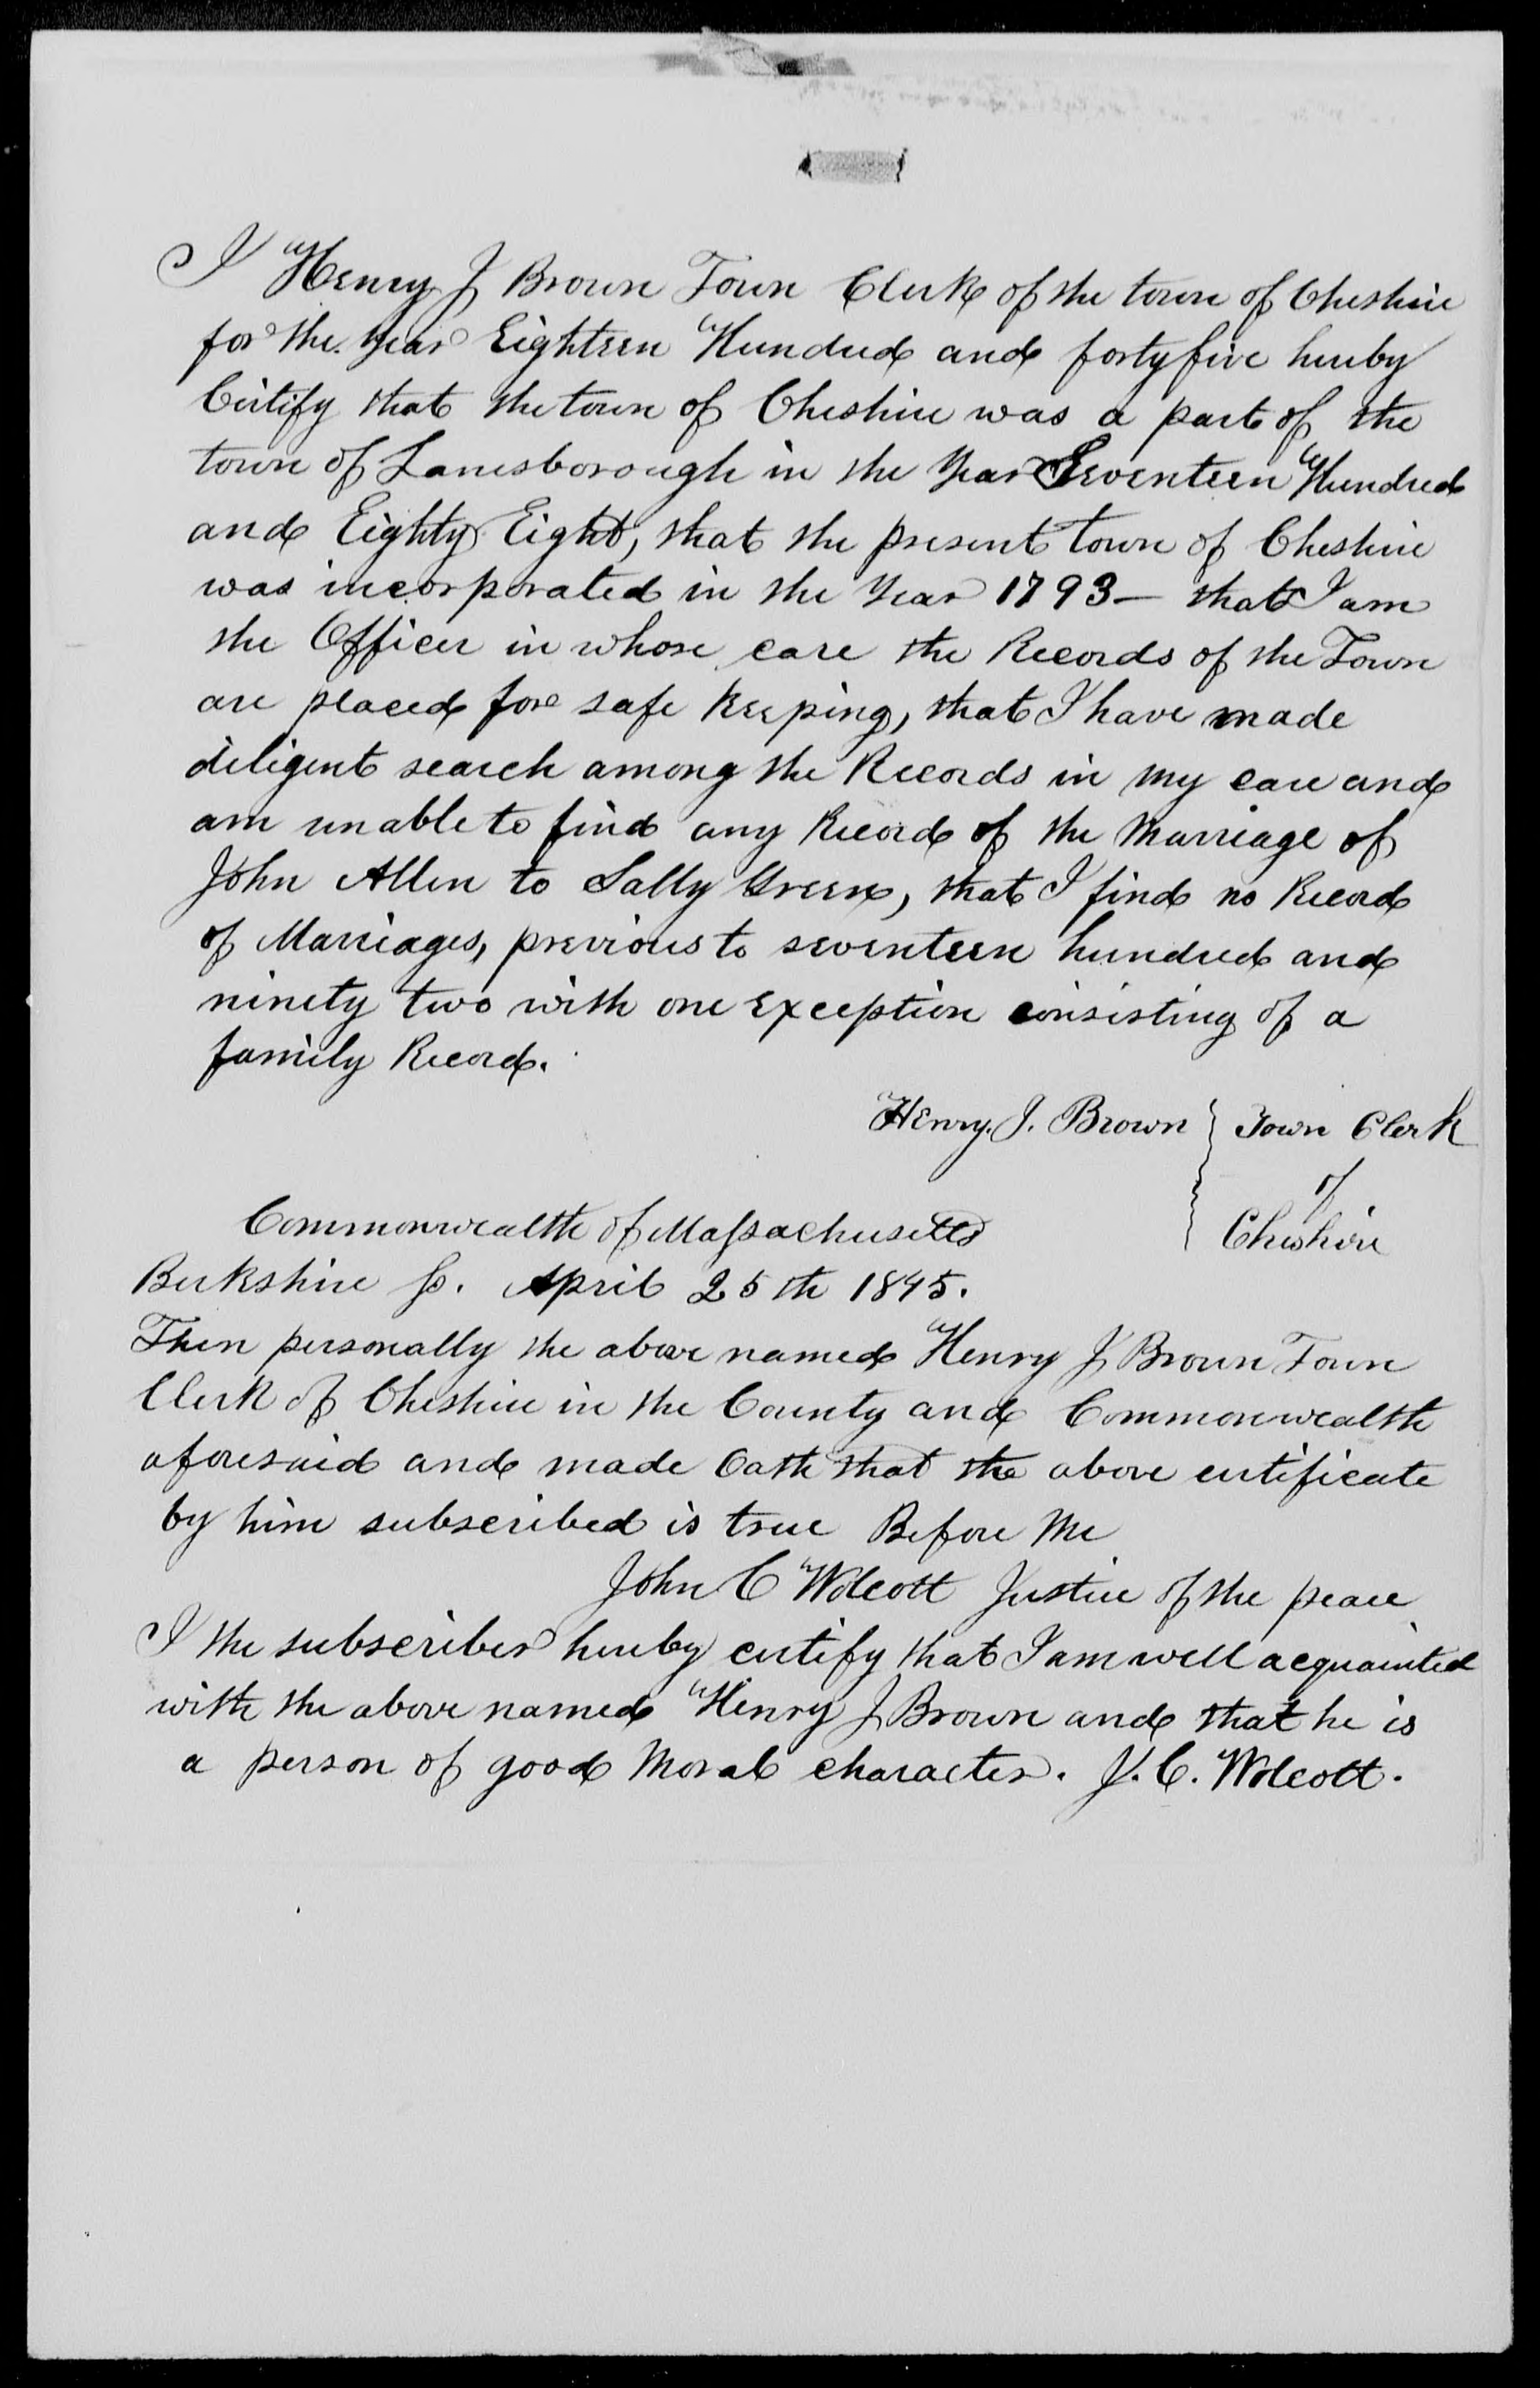I Henry J. Brown Town Clerk of the town of Cheshire for the year Eighteen Hundred and forty five hereby Certify that the town of Cheshire was a part of the town of Lanesborough in the year Seventeen Hundred and Eighty Eight, that the present town of Cheshire was incorporated in the year 1793 - that I am the Officer in whose care the Records of the Town are placed for safe keeping, that I have made diligent search among the Records in my care and am unable to find any Record of the Marriage of John Allen to Sally Green, that I find no Record of Marriages, previous to seventeen hundred and ninety two with one exception consisting of a family Record. 
Henry J. Brown} Town Clerk of Cheshire 
Commonwealth of Massachusetts 
Berkshire ss. April 25th 1845. 
Then personally the above named Henry J Brown Town Clerk of Cheshire in the County and Commonwealth aforesaid and made oath that the above certificate by him subscribed is true Before me John C Wolcott Justice of the peace 
I the subscriber hereby certify that I am well acquainted with the above named Henry J Brown and that he is a person of good moral character. J. C. Wolcott.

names: John Allen, J C Wolcott, Henry J Brown, Henry J Brown, Henry J Brown, Henry J Brown, John C Wolcott, Sally Green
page: 47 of 74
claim: widow's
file: W. 23424, John Allen, Mass. R. I.